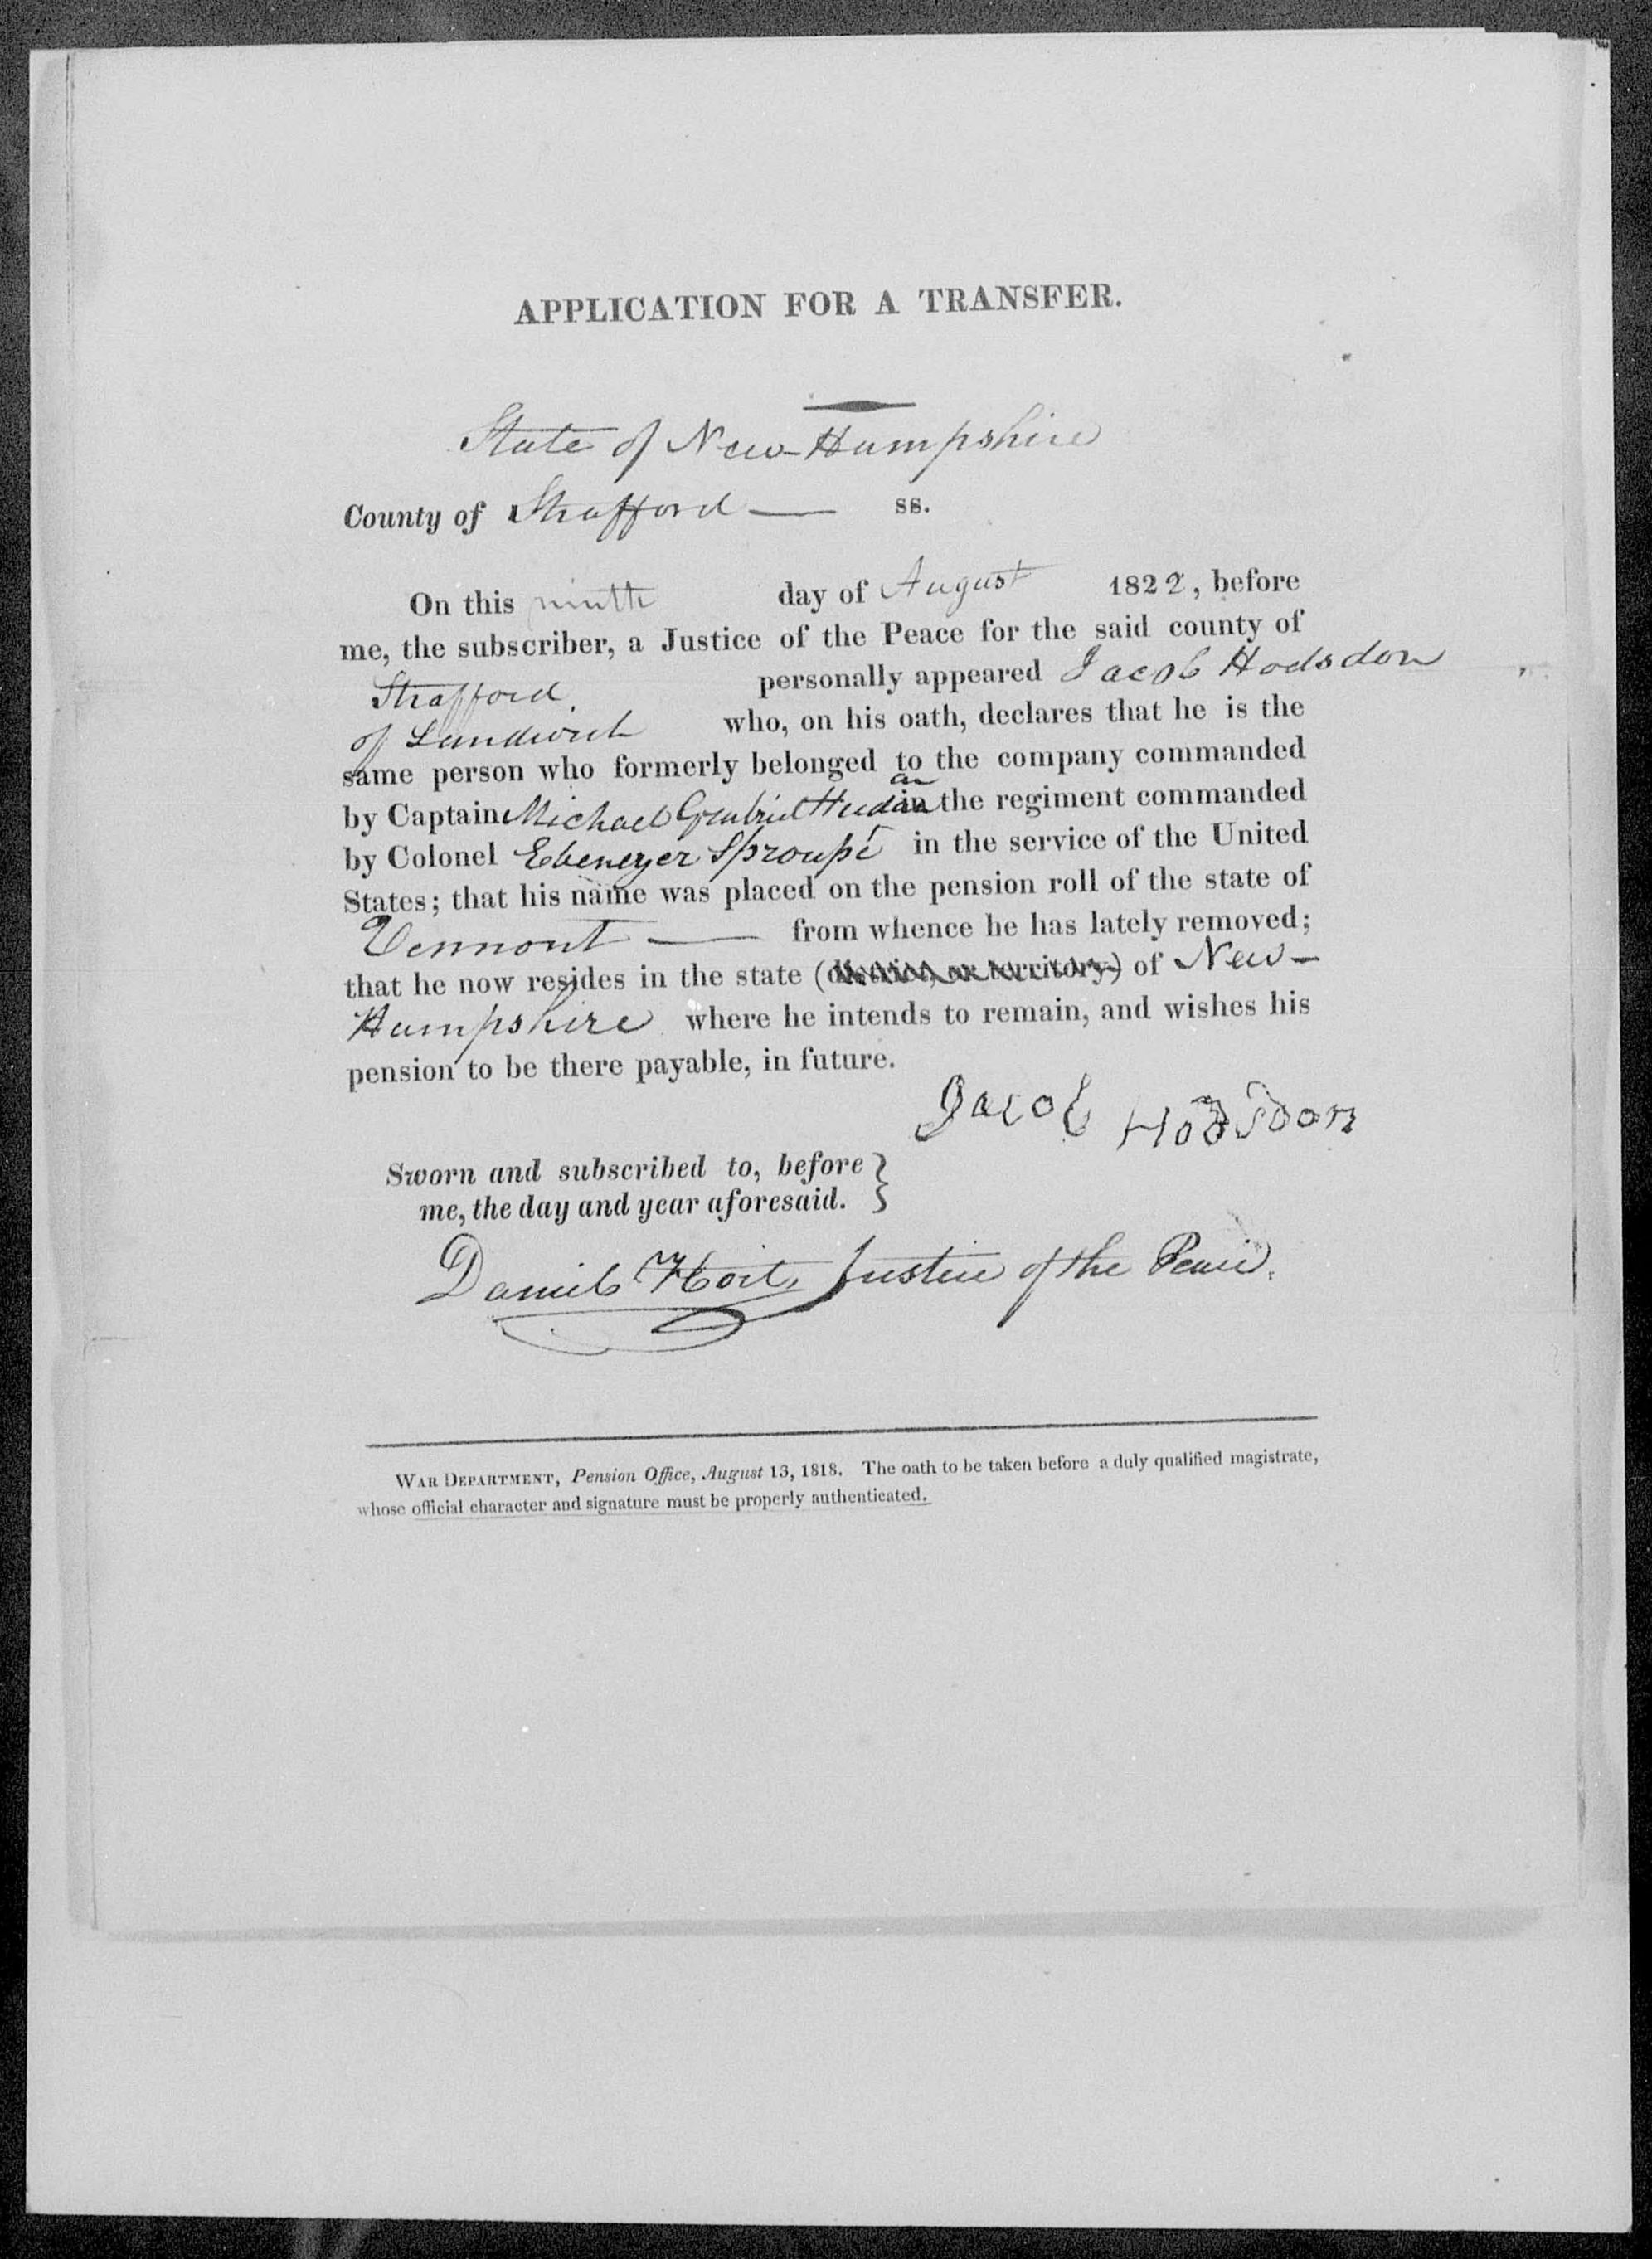APPLICATION FOR A TRANSFER

State of New Hampshire
County of Strafford  ss. 

On this ninth day of August 1822, before me, the subscriber, a Justice of the Peace for the said county of Strafford personally appeared Jacob Hodsdon of Sandwich who, on his oath, declares that he is the same person who formerly belonged to the company commanded by Captain Michael Gabriel Hudar an the regiment commanded by Colonel Ebenezer Sproupe in the service of the United States' that his name was place on the pension roll of the state of Vermont from whence he has lately removed; that he now resides in the state of New Hampshire where he intends to remain, and wishes his pension to be there payable, in future. 

Signature of Jacob Hodsdon

Sworn and subscribed to, before me, the day and year aforesaid. 

Signature of Daniel Hoit  Justice of the Peace

________________________________________________
WAR DEPARTMENT, Pension Office, August 13, 1818. The oath to be taken before a duly qualified magistrate, whose official character and signature must be properly authenticated.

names: Jacob Hodsdon, Ebenezer Sproupe, Michael Grabriel Hudar, Jacob Hodsdon, Daniel Hoit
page: 19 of 22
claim: survivor's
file: S 44445, Jacob Hodsdon, Mass.